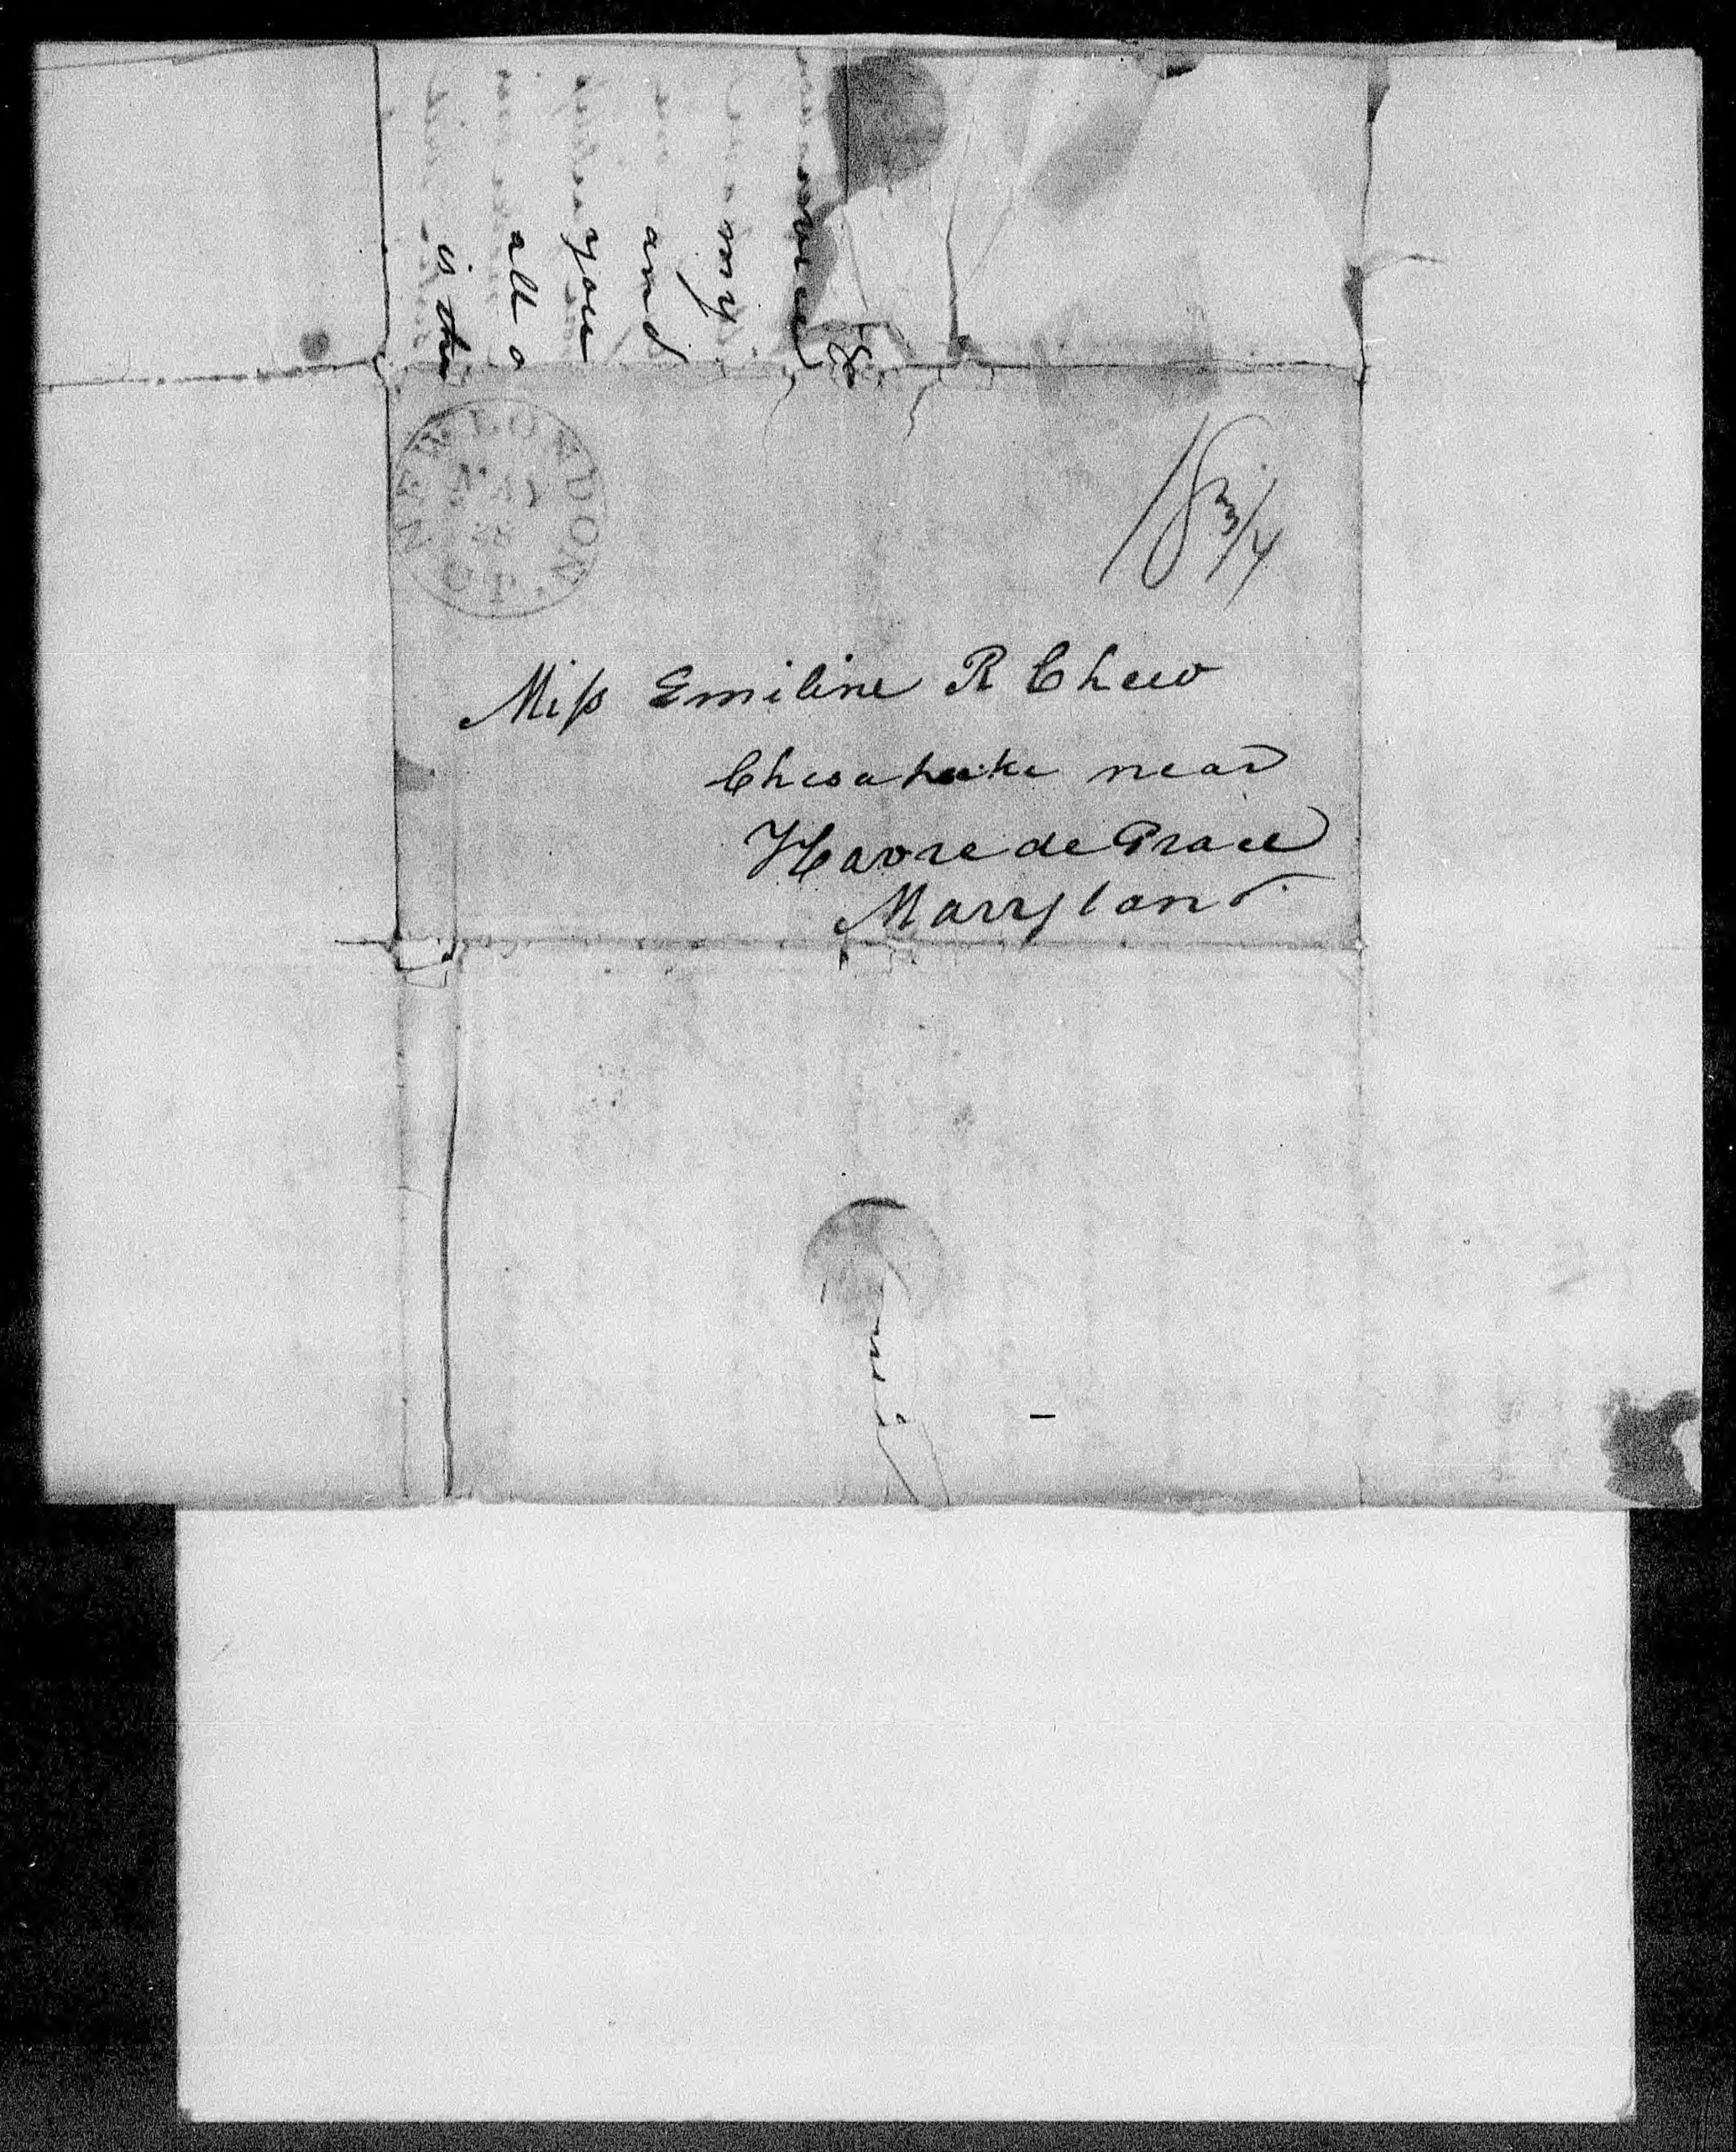[illegible writing at top of page]

[Circular mail stamp:]
NEWLONDON CT.
MAY
28

18 3/4

Miss Emiline R Chew
Chesapeake near
Havre de Grace
Maryland.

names: Emiline R Chew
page: 45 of 59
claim: widow's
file: W. 9383, Nathaniel Chew, Navy (Md.)